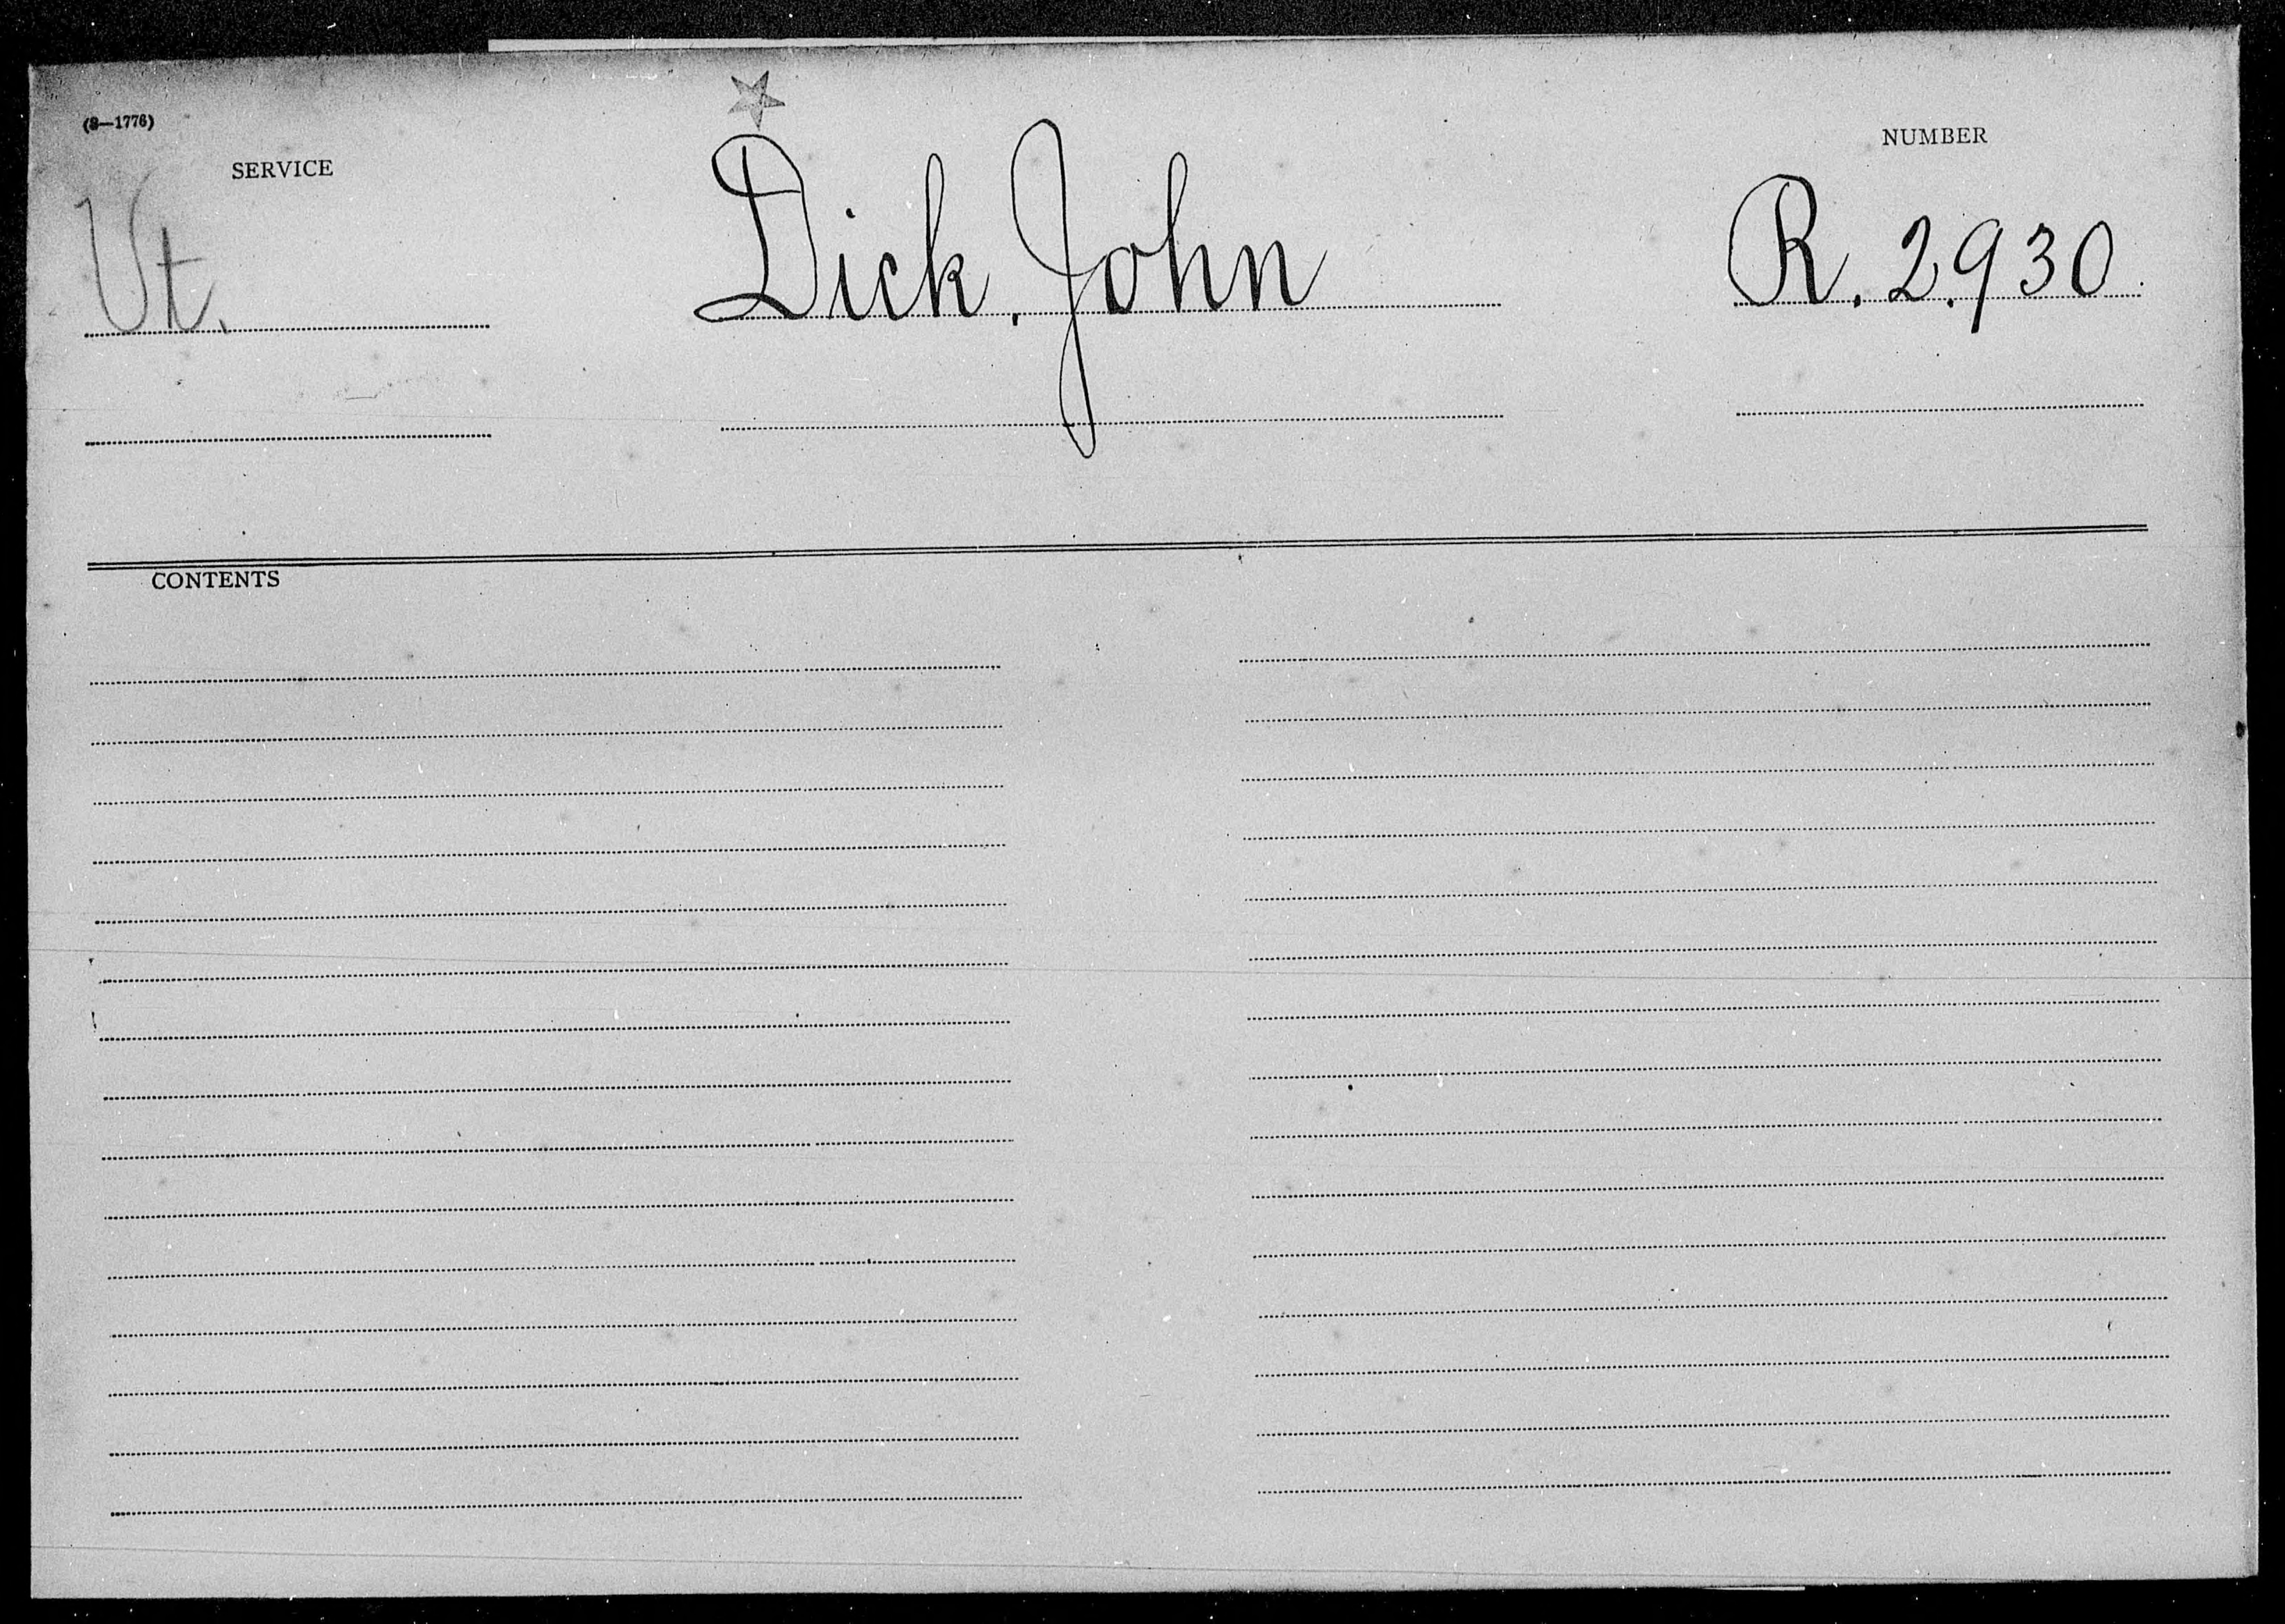[columns: SERVICE| * | NUMBER]
Vt.| Dick, John| R. 2930
CONTENTS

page: 1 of 9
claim: rejected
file: R. 2,930, John Dick, Vt.